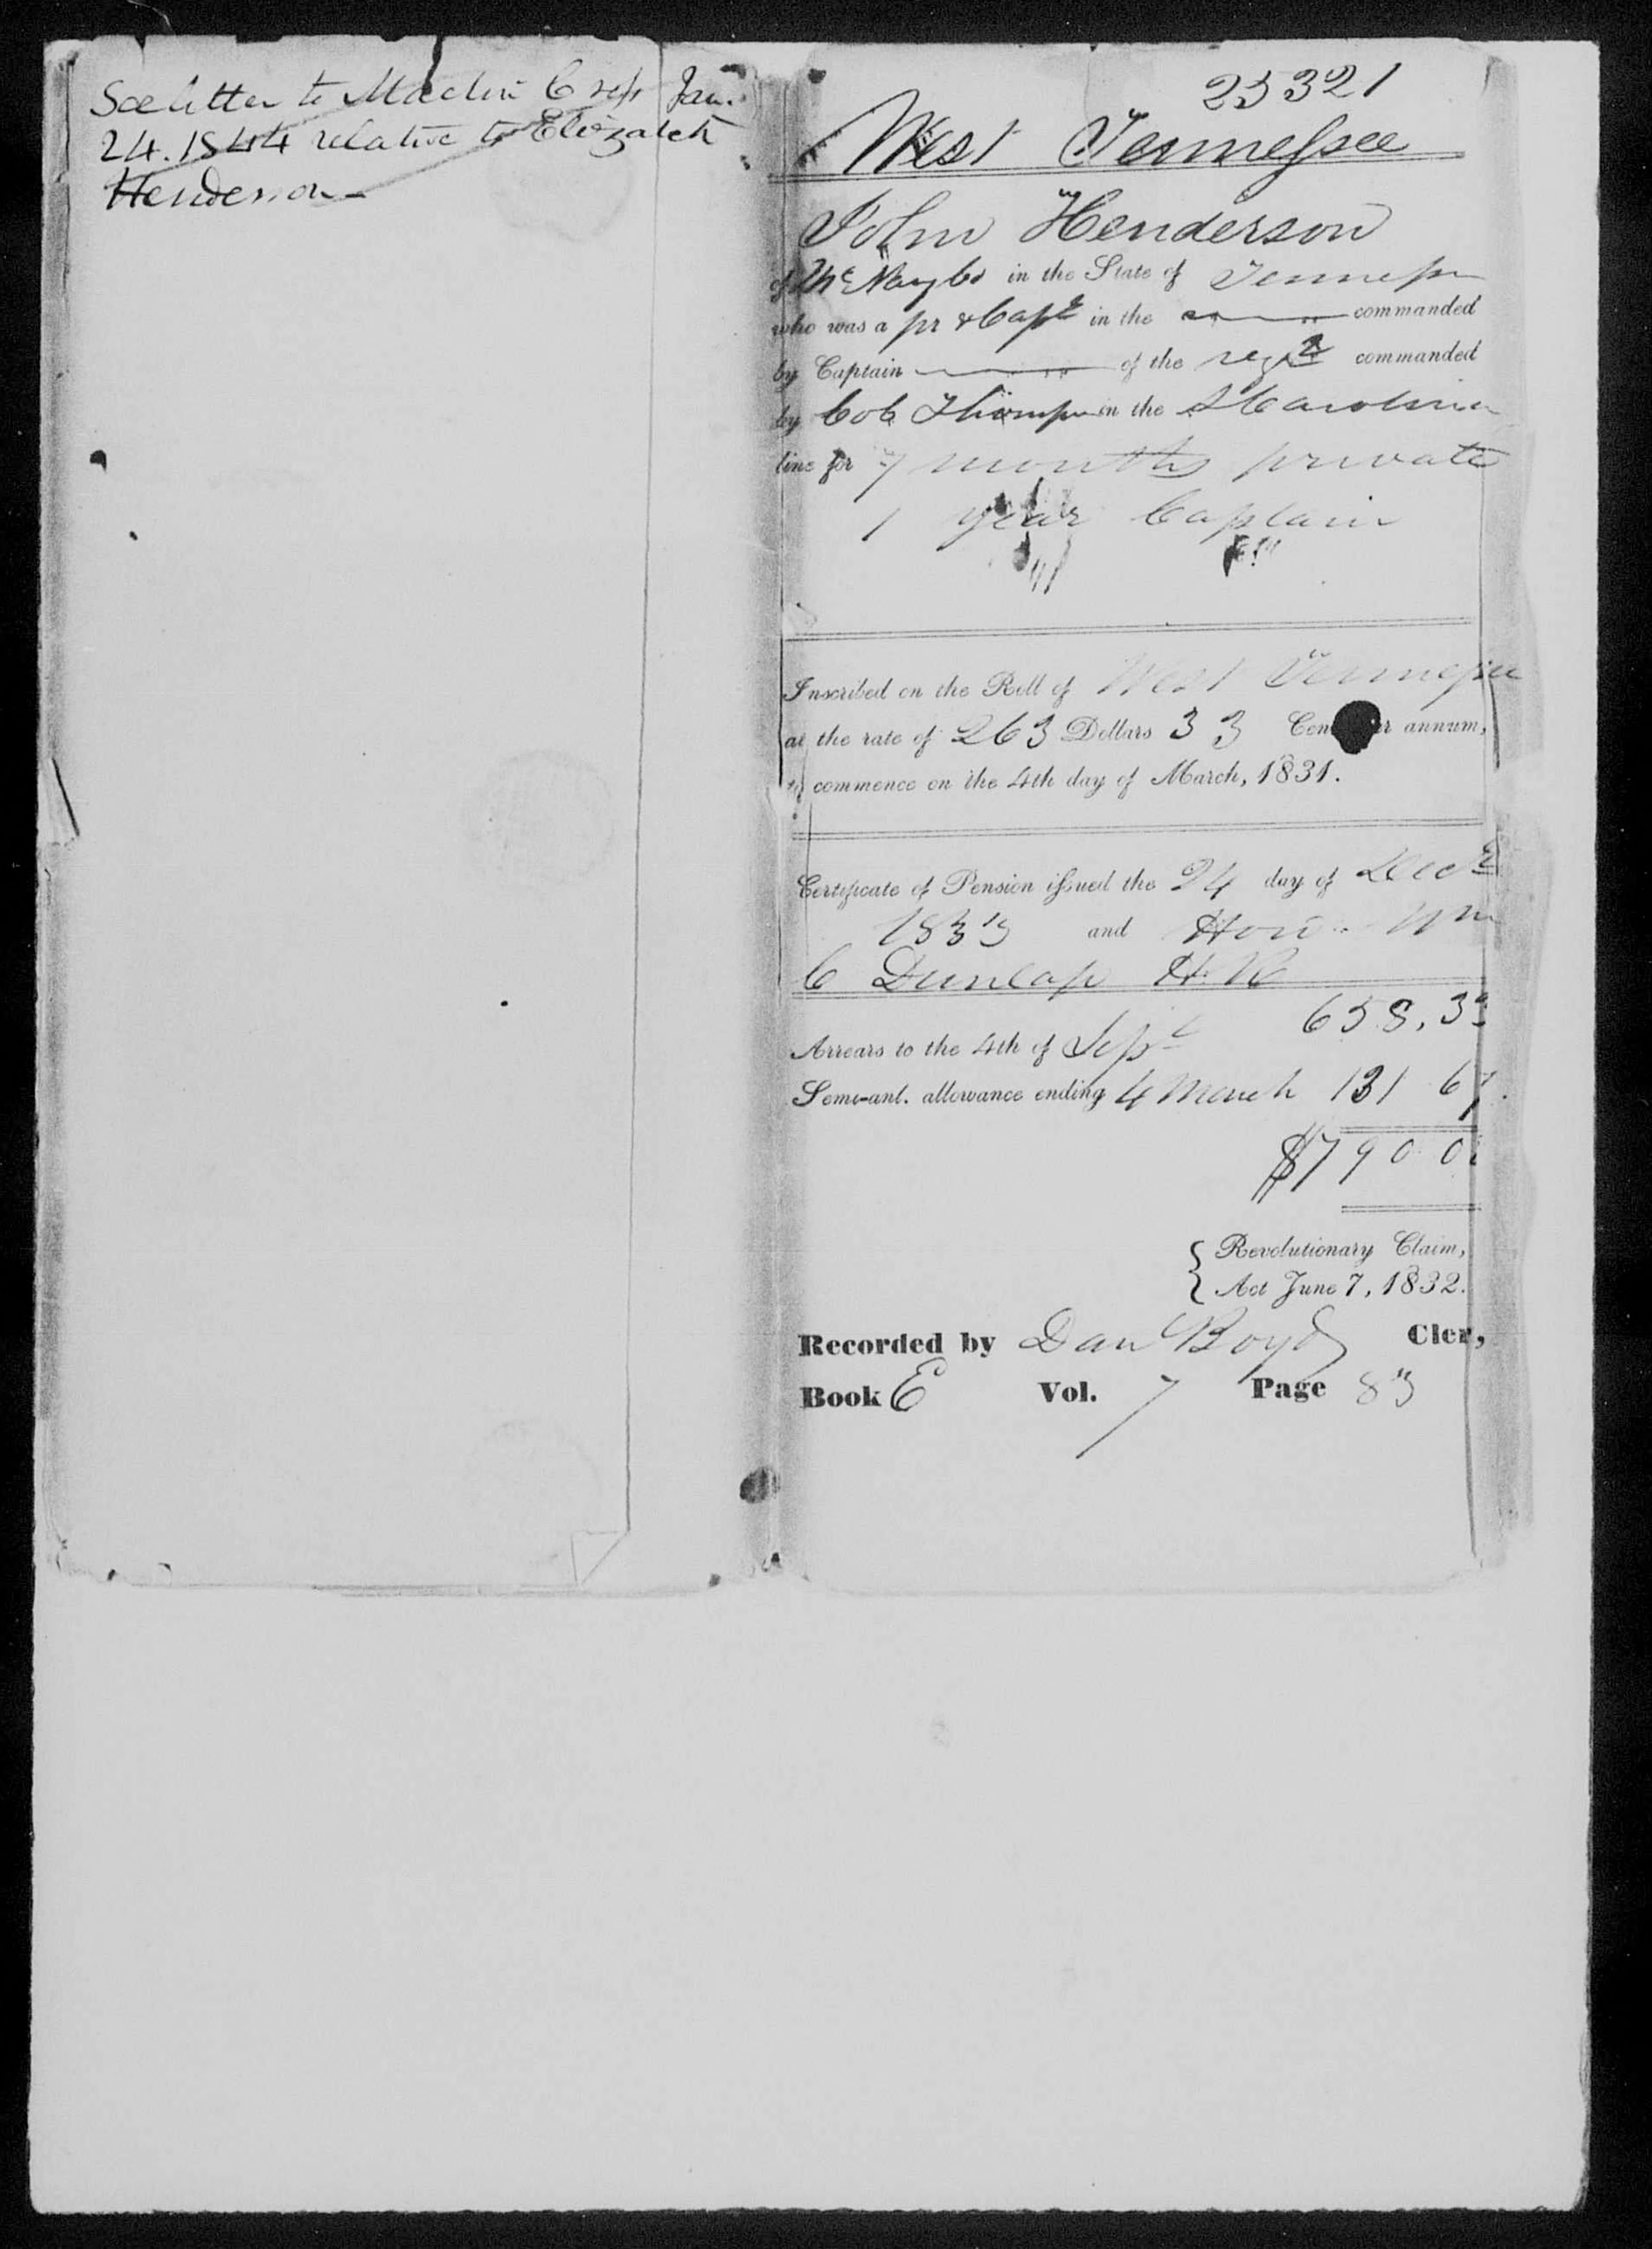23321
West Tennessee
================================
John Henderson
May in the State of Tennessee
who was a pr & Capt in the ______ commanded
by Captain __________ of the regt commanded
by Col Thompson in the S Carolina
line for 7 months private
1 year Captain
=================================
Inscribed on the Roll of West Tennessee
at the rate of 263 Dollars 33 Cents per annum,
to commence on the 4th day of March, 1831.
=================================
Certificate of Pension issued the 24 day of Dec
1833 and How Wm
C. Dunlap H R
=================================
Arrears to the 4th of Sept                         658.33
Semi-anl. allowance ending 4 March     131 67
                                                                          ======
                                                                        $790 00
                                                                        =======
{Revolutionary Claim,
{Act June 7, 1832.

Recorded by  Dan Boyd        Cler,
Book E    Vol. 7           Page 83

[left side - the following appears to have been struck out]

Sent letter to Martin Cross Jan
24. 1844 relative to Eliza[illegible]
Henderson_
Jan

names: Thompson, Wm C Dunlap, John Henderson, Elizabeth Henderson, Danl Boyd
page: 2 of 40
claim: rejected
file: R. 4,869, John Henderson, S.C.